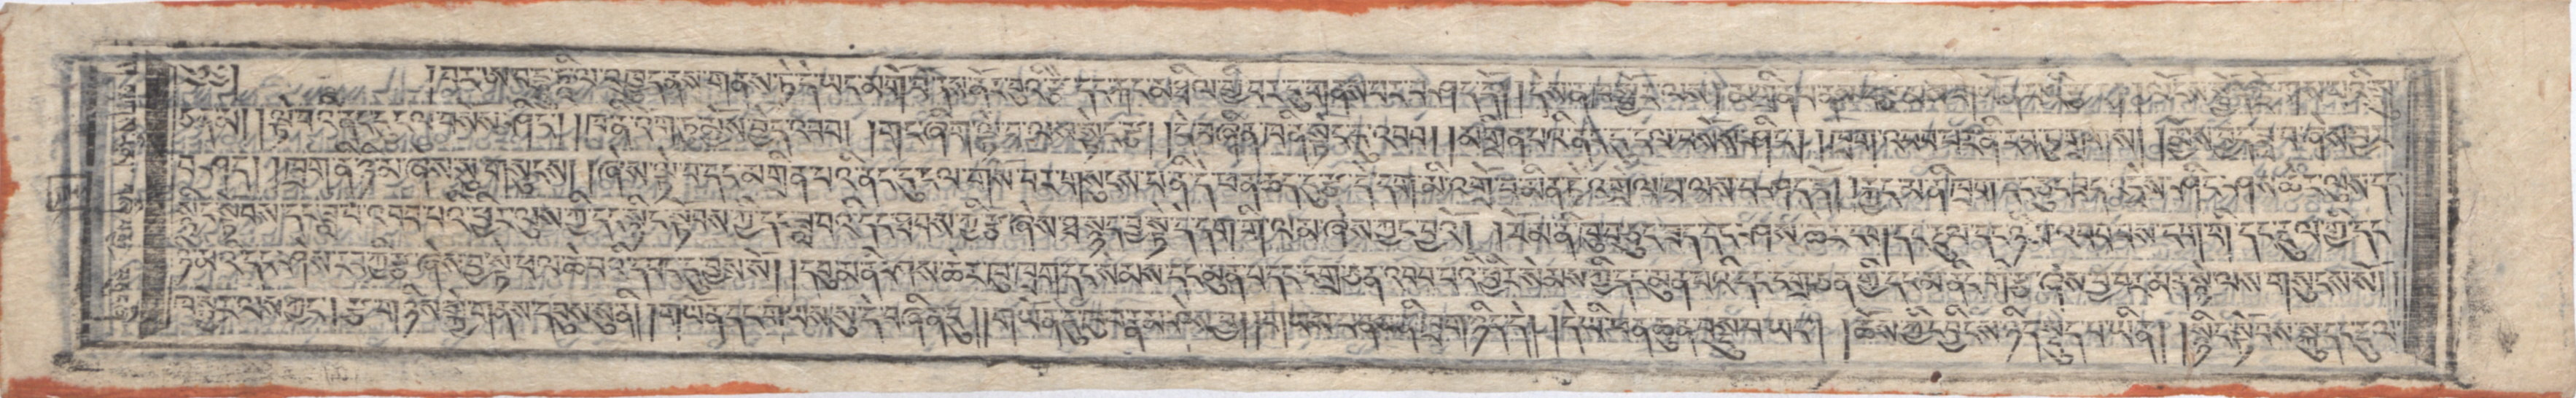༄༅། །བར་ཨ་བ་དྷཱུ་ཏཱི་ལ་འཁྱུད་ནས་གནས་ཏེ་དེ་ཡང་མགོ་བོ་ནས་ནོར་བུའི་རྩེ་དང་རྐང་མཐིལ་གྱི་བར་དུ་གནས་པར་བཤད་དོ། །དེས་ན་ཁ་སྦྱོར་ལས། མགྲིན་པ་ནས་བརྩམས་གཡོན་པའི་རྩར། །ལོངས་སྤྱོད་རྫོགས་པའི་སྐུ་
ཅན་མ། །ལྟེ་བའི་ནང་དུ་ངལ་བསོས་ཤིང་། །ཁ་ནི་འོག་ཏུ་མྱོས་བྱེད་འབབ། །གང་ཞིག་ལྟེ་བ་ལས་སྟེང་རྩ། །དེ་བཞིན་ཁ་ནི་སྟེང་དུ་འབབ། །མགྲིན་པའི་ནང་དུ་ངལ་བསོས་ཤིང་། །ཁྲག་འབབ་པར་ནི་རབ་ཏུ་གྲགས། །མྱོས་བྱེད་ཟླ་བ་ཞེས་བྱར་
བཤད། །ཁྲག་ནི་ཉི་མ་ཞེས་སུ་གསུངས། །ཞེས་ལྟེ་བ་དང་མགྲིན་པའི་ནང་དུ་ངལ་གསོ་བར་གསུངས་པ་ནི་དེ་ཕན་ཆད་དུ་རྩ་དེ་དག་མི་འགྲོ་བ་མིན་ཏེ་འགྲེལ་པ་ལས་བཤད་དོ། །རྐྱང་མ་ནི་ཁྲག་དང་ཅུང་ཟད་འདྲེས་ཤིང་ཤས་ཆེར་ལུས་དང་
སྙིང་སྟོབས་དང་ཟླ་བ་འབབ་པའི་ཕྱིར་ལུས་ཀྱི་དང་སྙིང་སྟོབས་ཀྱི་དང་ཟླ་བའི་དང་ཐབས་ཀྱི་རྩ་ཞེས་ཐ་སྙད་བྱ་སྟེ་དེ་དག་གི་ལམ་ཞེས་ཀྱང་བྱའོ། །རོ་མ་ནི་ཁུ་བ་ཅུང་ཟད་དང་ཤས་ཆེར་ངག་དང་རྡུལ་དང་ཉི་མ་འབབ་པས་ངག་གི་དང་རྡུལ་གྱི་དང་
ཉི་མའི་དང་ཤེས་རབ་ཀྱི་རྩ་ཞེས་བྱ་སྟེ་ཕལ་ཆེ་བའི་དབང་དུ་བྱས་སོ། །དབུ་མ་ནི་ཤས་ཆེར་ཁུ་ཁྲག་དང་སེམས་དང་མུན་པ་དང་དགྲ་ཅན་འབབ་པའི་ཕྱིར་སེམས་ཀྱི་དང་མུན་པའི་དང་དགྲ་ཅན་གྱི་དང་མ་ནིང་གི་རྩ་ཞེས་བྱ་བར་མན་སྙེ་ལས་གསུངས་སོ། །
ཁ་སྦྱོར་ལས་ཀྱང་། རྩ་གཉིས་སྐྱེ་གནས་དབུས་སུ་ནི། །གཡོན་དང་གཡས་སུ་དེ་བཞིན་དུ། །གཡོན་དུ་ཁུ་བ་རྣམ་ཤེས་བྱ། །གཡས་པ་ནས་ནི་ཁྲག་ཉིད་དེ། །དེ་ཡི་ཕན་ཚུན་བསྡུ་བ་ཡང་། །ཆོས་ཀྱི་དབྱིངས་ཉིད་སྡུད་པ་ཡིན། །སྙིང་སྟོབས་སྐུ་དང་རྡུལ་